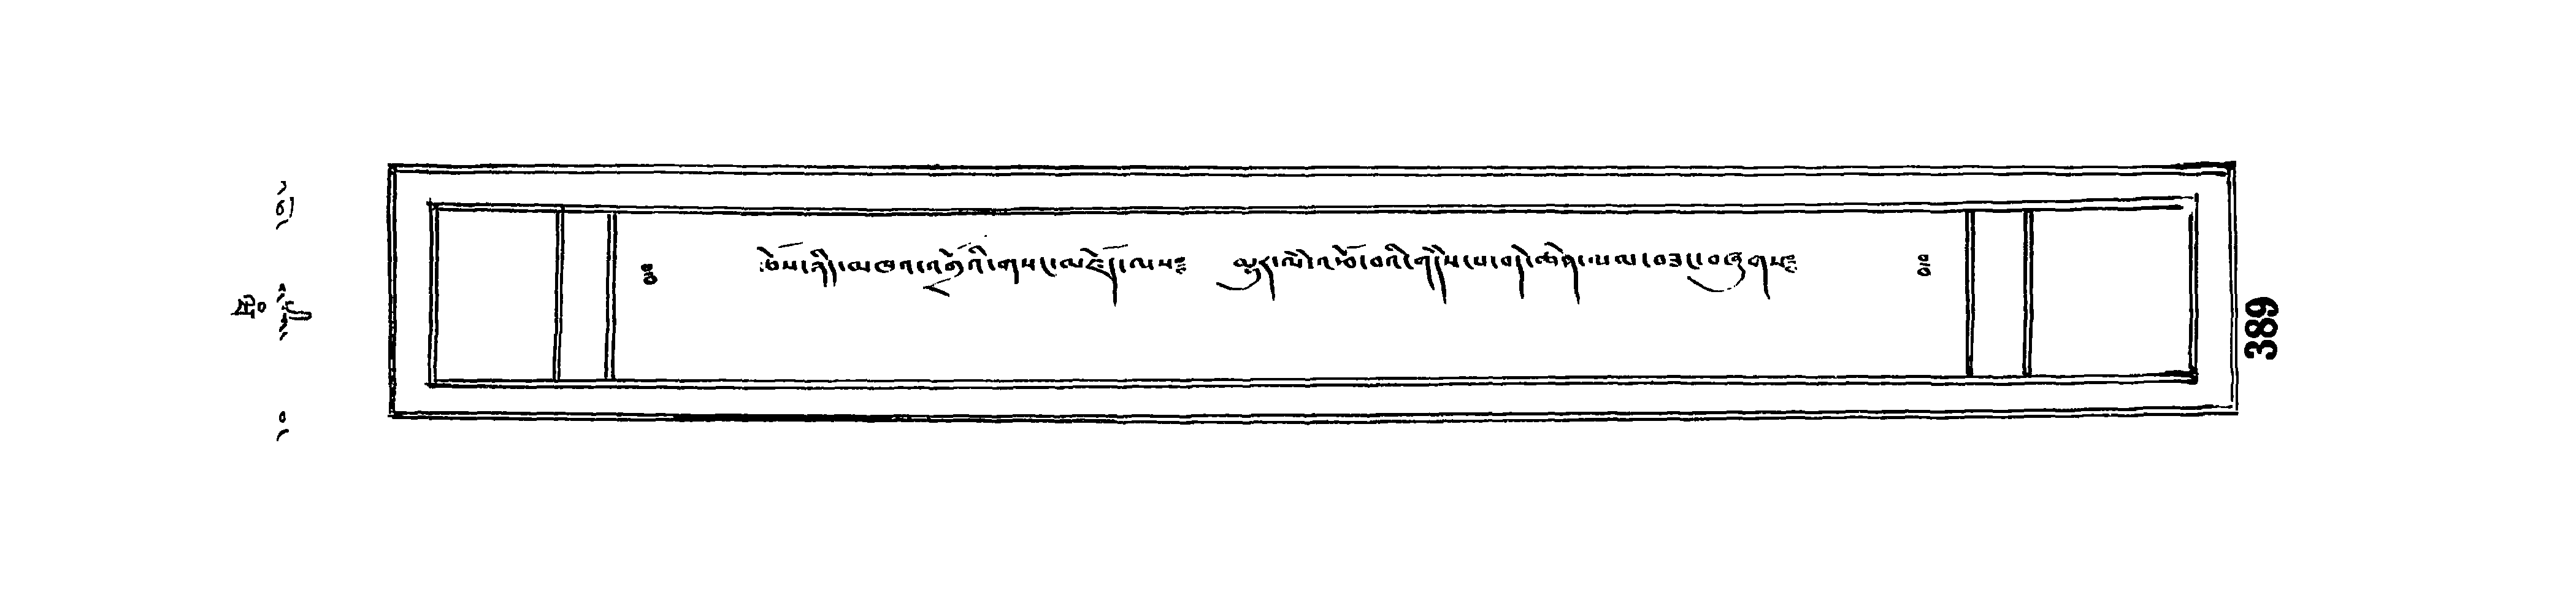ཆོས་ཉིད་མཁའ་འགྲོའི་གསང་མཛོད་ལས༔ མྱུར་ལམ་འཕོ་བའི་གདམས་པ་བདེ་ཆེན་ལམ་བཟང་བཞུགས༔